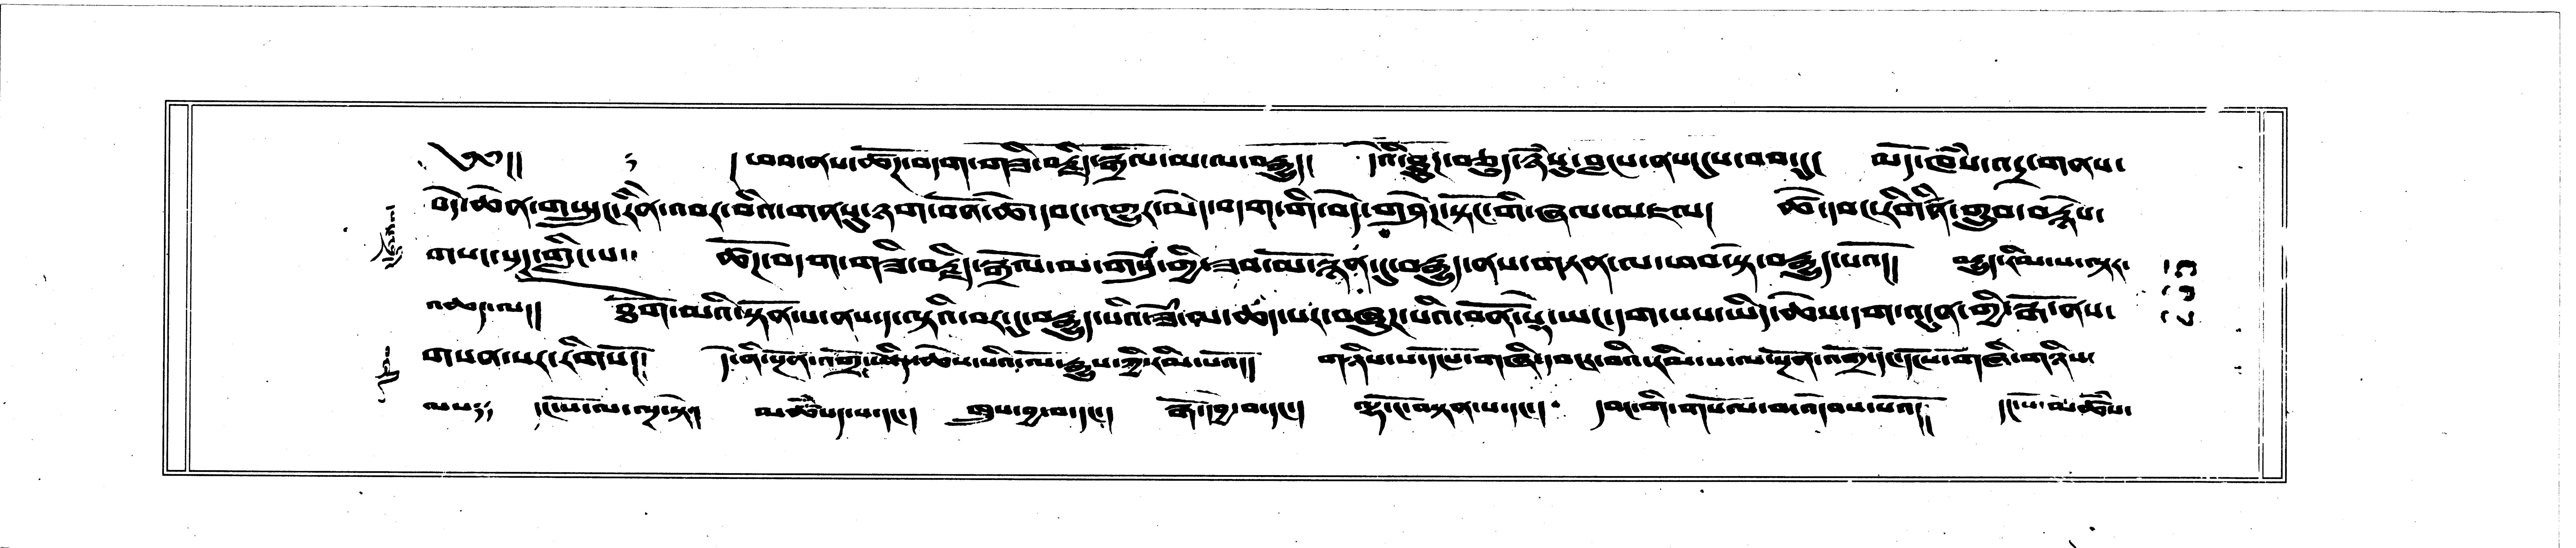ཕབ་ནས་ཚོགས་བདག་གཟི་བརྗིད་སྒྲོལ་མ་ལ་བརྒྱུད། དེའི་ཐུགས་བཅུད་ཉམས་སུ་བླང་ནས་དུས་བབ་དུ། མདོ་ཁམས་འདྲ་གནས་
གཡུང་དྲུང་རིན་ཆེན་འབར་བའི་གནས་སུ་ཉག་བོན་ཚེ་དབང་འགྱུར་མེད་བདག་གིས་བདེར་གཤེགས་སྟོང་གི་ཞལ་མཇལ། ཚེ་དབང་རིག་འཛིན། གྲུབ་བརྙེས་
གསང་སྔགས་གླིང་པ། ཚོགས་བདག་གཟི་བརྗིད་སྒྲོལ་མ་གསུམ་གྱིས་ཟབ་མོ་སྙན་དུ་བརྒྱུད་ནས་གཏན་ལ་ཕབ་སྟེ་བརྒྱུད་པའོ། །བརྒྱུད་རིམ་ལྟར་
འཆད་ལ། ཐོག་མའི་སྟོན་པ་ནས་ད་ལྟའི་བར་དུ་བརྒྱུད་པའི་ཟམ་མ་ཆད་པར་བཞུགས་པའི་བོན་སྡེ་ཡང་དག་པས་ཡིད་ཆེས་དག་བདུན་གྱི་སྒོ་ནས་
གསན་པར་རིགས་སོ། དེ་ནི་སྔོན་འགྲོ་ཡིད་ཆེས་པའི་ལོ་རྒྱུས་ཀྱི་རིམ་པའོ། །གཉིས་པ་དངོས་གཞི་དབང་བསྐུར་བའི་རིམ་པ་ལ། སྔོན་འགྲོ་དང་དངོས་གཞི་གཉིས་
ལས། དང་པོ་ལ་ལྔ་སྟེ། མཚམས་བཅད་པ་དང་། ཁྲུས་བྱ་བ་དང་། སྒོ་དབྱེ་བ་དང་། ལྷ་ངོ་བསྟན་པ་དང་། དབང་གི་གསོལ་བ་འདེབས་པའོ། དང་པོ་མཚམས་